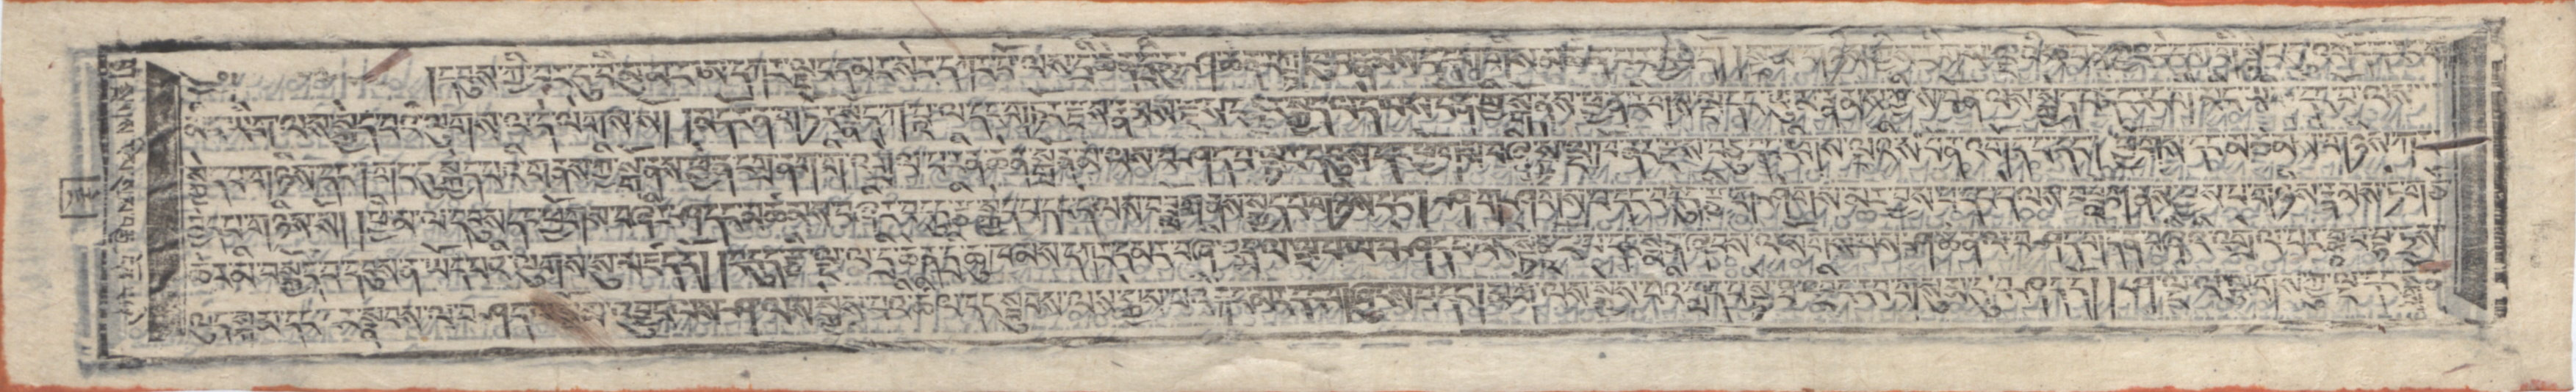༄༅། །དབུས་ཀྱི་བར་དུ་བི་མུ་མ་ར་ཨ་དཀར་ལྗང་དམར་སེར་དཀར་པོ་ལས་དྲི་ཆེན་དྲི་ཆུ་ཤ་ཆེན་རཀྟ་ཁུ་བ་རྣམས་དེ་དག་གིས་མཚན་པར་བྱེད་དོ། །སྔ་མ་གཉིས་ཀྱིས་རིགས་ལྔའི་ས་བོན་ཀྱང་དེ་དག་གི་སྟེང་དུ་འགོད་དེ་རང་གི་
མིང་ཡིག་ལས་སྐྱེད་པའི་ལུགས་ལ་དེ་ལེགས་སོ། །མདོར་ན་གཏོར་སྣོད་ཀ་པཱ་ལ་དང་གཏོར་རྫས་རྣམས་རྫས་བཅུར་སྐྱེད་ལ་དེ་ལ་ས་བོན་གྱི་སྒོ་ནས་ཕྱ་ན་རིགས་ལྔ་དང་ཡུམ་རྣམས་ཀྱི་ས་བོན་ལས་སྐྱེད་པ་དང་རང་གི་མིང་ཡིག་དང་པོ་ལས་
སྐྱེད་པ་གཉིས་དང་། གང་དུ་སྐྱེད་པའི་གནས་ཀྱི་སྒོ་ནས་ཕྱེ་ན་དགྲ་ནག་གི་འགྲེལ་པ་རིན་ཆེན་སྒྲོན་མེ་ལས་བཤད་པ་ལྟར་དབུས་དང་ཕྱོགས་བཞི་སྟེ་ལྔ་ཁོ་ནར་རྫས་བཅུ་དང་རིགས་ལྔའི་ས་བོན་འགོད་པ་དང་། ཕྱོགས་དང་མཚམས་གཉིས་ཀར་
བྱེད་པ་གཉིས་སོ། །ཕྱི་མ་ལ་དབུས་དང་ཕྱོགས་བཞིར་ཤ་དང་མཚམས་བཞིར་བདུད་རྩི་སྐྱེད་པ་དང་དེ་ལས་བཟློག་ནས་སྐྱད་པ་གཉིས་དང་། ཤ་གཤེགས་པ་དང་བདུད་རྩི་གཤེགས་མར་བྱས་པ་དང་དེ་ལས་བཟློག་ནས་བྱས་པ་གཉིས་རྣམས་ཏེ་གཙོ་
ཆེར་མི་བསྐྱོད་པ་དབུས་ན་ཡོད་པའི་ལུགས་སུ་མཛད་དོ། །བདུད་རྩི་ལྔ་ལ་དྲི་ཆེན་དྲི་ཆུ་ཁམས་དཀར་དམར་བཞི་འདྲ་ལ་ལྔ་པ་ལ་བཤད་པ་མང་སྟེ་ནཱ་རོ་པ་དང་སྨན་ཞབས་ལ་སོགས་པས་ཤ་ཆེན་ལ་བཤད་གདན་བཞིའི་འགྲེལ་པར་བྷཱ་བ་བྷ་ཏྲས་
ལུད་སྐམ་དང་ངར་སྣབས་ལ་བཤད་ལ་སྡོམ་འབྱུང་ལས་ཤ་ལས་སྐྱེས་པའི་ཚིལ་དང་སྦུབས་ལས་སྐྱེས་པའི་རྐང་མར་དང་གཞུངས་པ་དང་། མགོ་ལས་སྐྱེས་པའི་ཀླད་པ་སྟེ་ཐ་འབྲིང་རབ་གསུམ་དུ་བཤད་དོ། །ཤ་ལྔ་ལ་ལྕགས་ཀྱུ་ལྔ་དང་སྒྲོན་